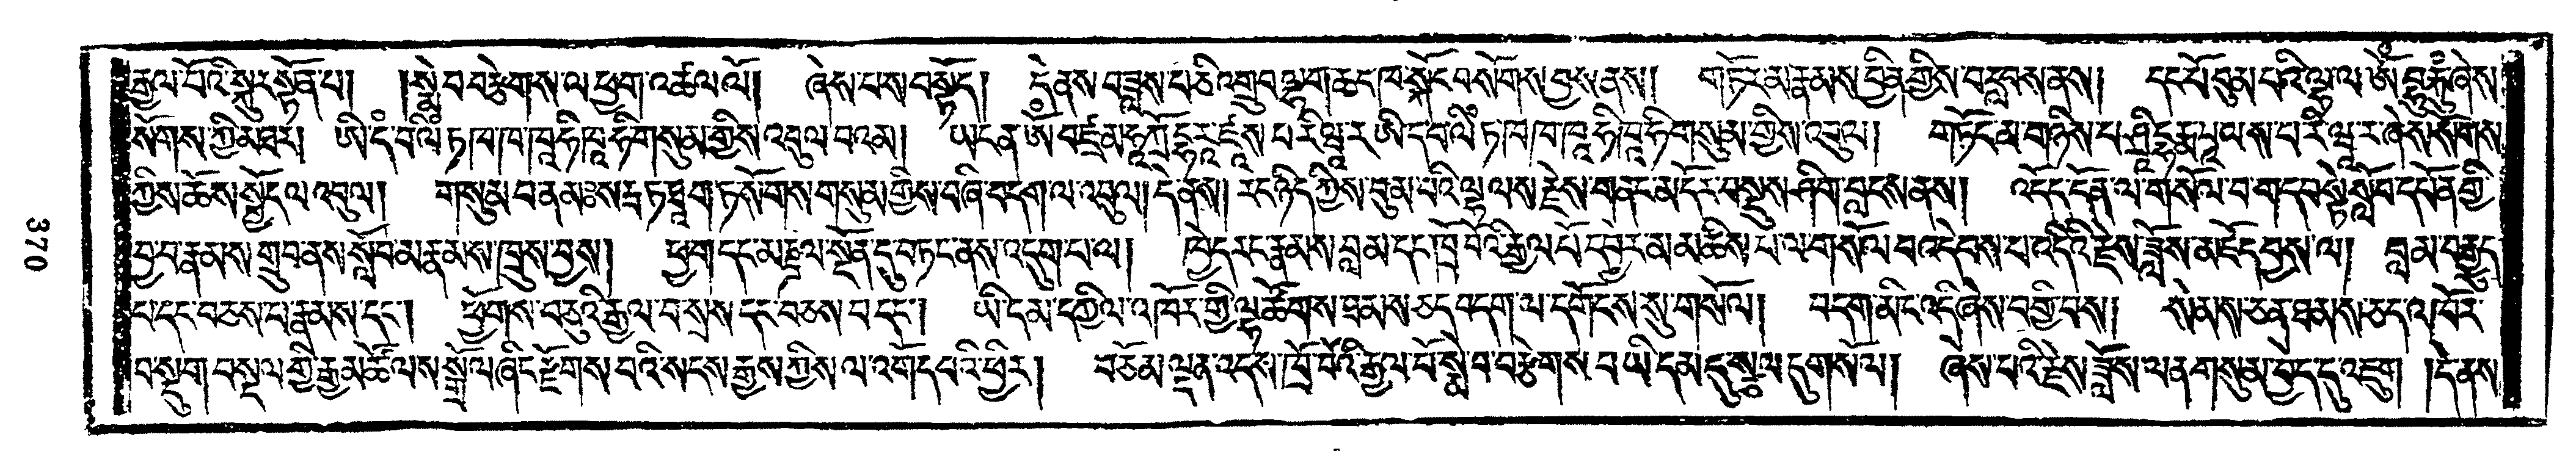རྒྱལ་པོའི་སྐུར་སྟོན་པ། །སྨྲེ་བ་བརྩེགས་ལ་ཕྱག ༑ཏལ་ལོ། །ཞེས་པས་བསྟོད། དེ་ནས་བཟླས་པ་ཅི་འགྲུབ་ལྷག་ཆང་ཁ་སྐོང་པ་སོགས་བྱས་ནས། གཏོར་མ་རྣམས་བྱིན་གྱིས་བརླབས་ནས། དང་པོ་བུམ་པའི་ལྷ་ལ་ཨོཾ་བྷུརྐུཾ་ཞེས་
སོགས་ཀྱི་མཐར། ཨི་དཾ་བ་ལིཾ་ཏ་ཁ་ཁ་ཁཱ་ཧི་ཁཱ་ཧི་གསུམ་གྱིས་འབུལ་བའམ། ཡང་ན་ཨོཾ་བཛྲ་མཧཱ་ཀྲོདྷ་རཱ་ཛཱ་ས་བ་རི་ཝཱ་ར་ཨིད་པ་ལིཾ་ཏ་ཁ་ཁ་ཁཱ་ཧི་ཁཱ་ཧི་གསུམ་གྱིས་འབུལ། གཏོང་མ་གཉིས་པ་ཤྲཱི་དྷརྨ་པཱ་ལ་ས་བ་རི་ཝཱ་ར་ཞེས་སོགས་
ཀྱིས་ཆོས་སྐྱོང་ལ་འབུལ། གསུམ་པ་ན་མཿ སརྦ་ཏ་ཐཱ་ག་ཏ་སོགས་གསུམ་གྱིས་བཞི་བདག་ལ་འབུལ། དེ་ནས། རང་ཉིད་ཀྱིས་བུམ་པའི་ལྷ་ལས་རྗེས་གནང་མདོར་བསྡུས་ཤིག་བླངས་ནས། འདོད་དོན་ལ་གསོལ་པ་གདབ་སྟེ་སློབ་དཔོན་གྱི་
བྱ་བ་རྣམས་གྲུབ་ནས་སློབ་མ་རྣམས་ཁྲུས་བྱས། ཕྱག་དང་མཎྜལ་སྔོན་དུ་བཏང་ནས་འདུག་པ་ལ། ཁྱེད་རང་རྣམས་བླ་མ་དང་ཁྲོ་བོའི་རྒྱལ་པོ་དབྱེར་མ་མཆིས་པ་ལ་གསོལ་པའི་དེབས་པ་འདིའི་རྗེས་ཟློས་མཛོད་བྱས་ལ། བླ་མ་བརྒྱུད་
པ་དང་བཅས་པ་རྣམས་དང་། ཕྱོགས་བཅུའི་རྒྱལ་པ་སྲས་དང་བཅས་པ་དང་། ཡི་དམ་དཀྱིལ་འཁོར་གྱི་ལྷ་ཚོགས་ཐམས་ཅད་བདག་ལ་དགོངས་སུ་གསོལ། བདག་མིང་འདི་ཞེས་གྱི་བས། །སེམས་ཅན་ཐམས་ཅད་འཁོར་
བ་སྡུག་བསྔལ་གྱི་རྒྱ་མཚོ་ལས་སྒྲོལ་ཞིང་རྫོགས་བའི་སངས་རྒྱས་ཀྱིས་ས་ལ་འགོད་པའི་ཕྱིར། བཅོམ་ལྡན་འདས་ཁྲོ་བོའི་རྒྱ་པོ་སྨེ་བ་བརྩེགས་པ་ཡི་དམ་དུ་སྩལ་དུ་སྩལ་དུ་གསོལ། །ཞེས་པའི་རྗེས་ཟློས་ལན་གསུམ་བྱེད་དུ་འཇུག །དེ་ནས་